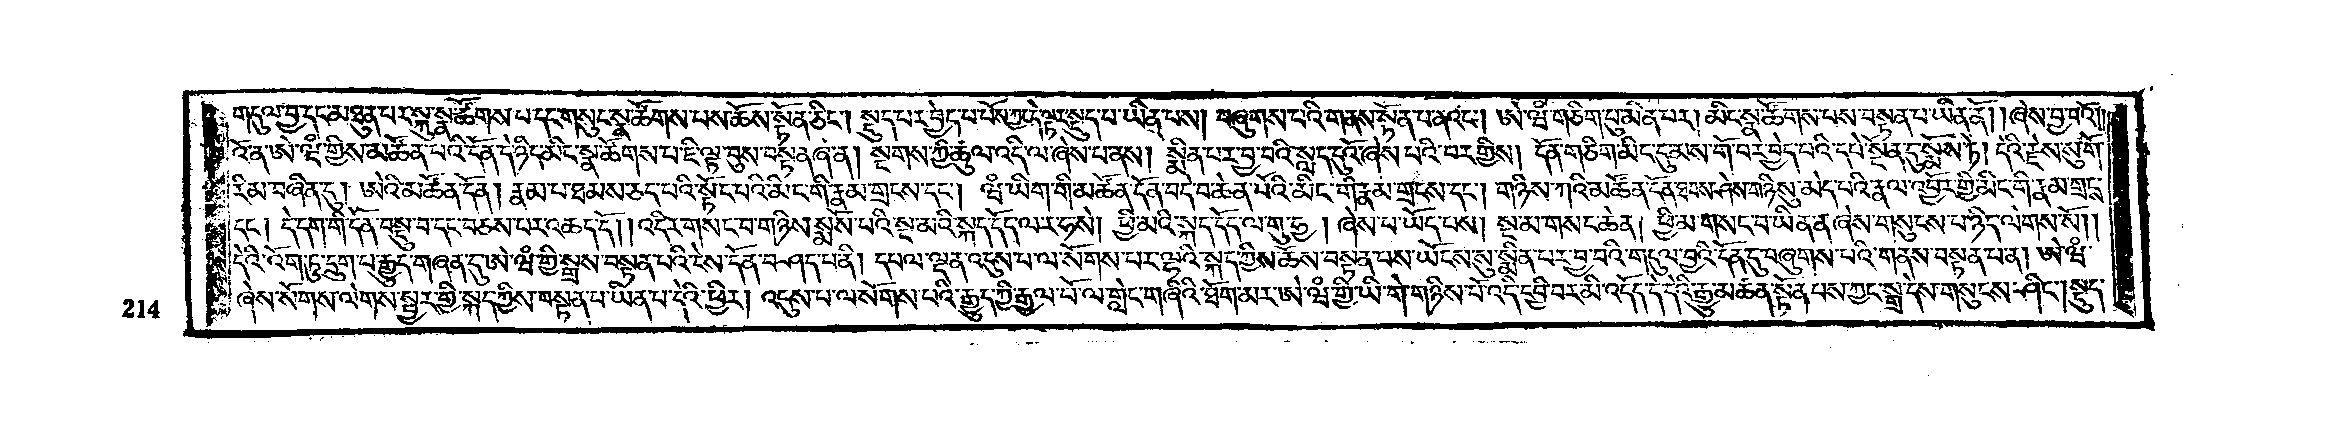གདུལ་བྱ་དང་མཐུན་པར་སྐུ་སྣ་ཚོགས་པ་དང་གསུང་སྣ་ཚོགས་པས་ཆོས་སྟོན་ཅིང་། སྡུད་པར་བྱེད་པ་པོས་ཀྱང་དེ་ལྟར་སྡུད་པ་ཡིན་པས། བཞུགས་པའི་གནས་སྟོན་པ་ནའང་། ཨེ་ཝཾ་གཅིག་པུ་མིན་པར། མིང་སྣ་ཚོགས་པས་བསྟན་པ་ཡིན་ནོ། །ཞེས་བྱ་བའོ།།
འོ་ན་ཨེ་ཝཾ་གྱིས་མཚོན་པའི་དོན་དེ་ཉིད་མིང་སྣ་ཚོགས་པ་ཇི་ལྟ་བུས་བསྟན་ཞེ་ན། སྔགས་ཀྱི་ཚུལ་འདི་ལ་ཞེས་པ་ནས། སྨིན་པར་བྱ་བའི་སླད་དུའོ་ཞེས་པའི་བར་གྱིས། དོན་གཅིག་མིང་དུ་མས་གོ་བར་བྱེད་པའི་དཔེ་སྔོན་དུ་སྨོས་ཏེ། དེའི་རྗེས་སུ་གོ་
རིམ་བཞིན་དུ། ཨེའི་མཚོན་དོན། རྣམ་པ་ཐམས་ཅད་པའི་སྟོང་པའི་མིང་གི་རྣམ་གྲངས་དང་། ཝཾ་ཡིག་གི་མཚོན་དོན་བདེ་བ་ཆེན་པོའི་མིང་གི་རྣམ་གྲངས་དང་། གཉིས་ཀའི་མཚོན་དོན་ཐབས་ཤེས་གཉིས་སུ་མེད་པའི་རྣལ་འབྱོར་གྱི་མིང་གི་རྣམ་གྲངས་
དང་། དེ་དག་གི་དོན་བསྡུ་བ་དང་བཅས་པར་འཆད་དོ། །འདིར་གསང་བ་གཉིས་སྨོས་པའི་སྔ་མའི་སྐད་དོད་ལ་ར་ཧ་སེ། ཕྱི་མའི་སྐད་དོད་ལ་གུ་ཧྱ། ཞེས་པ་ཡོད་པས། སྔ་མ་གསང་ཆེན། ཕྱི་མ་གསང་བ་ཡིན་ནོ་ཞེས་གསུངས་པ་ཉིད་ལེགས་སོ།།
དེའི་འོག་ཏུ་དྲུག་པ་རྒྱུད་གཞན་དུ་ཨེ་ཝཾ་གྱི་སྒྲས་བསྟན་པའི་ངེས་དོན་བཤད་པ་ནི། དཔལ་ལྡན་འདུས་པ་ལ་སོགས་པར་ལྷའི་སྐད་ཀྱིས་ཆོས་བསྟན་པས་ཡོངས་སུ་སྨིན་པར་བྱ་བའི་གདུལ་བྱའི་དོན་དུ་བཞུགས་པའི་གནས་བསྟན་པ་ན། ཨེ་ཝཾ་
ཞེས་སོགས་ལེགས་སྦྱར་གྱི་སྐད་ཀྱིས་བསྟན་པ་ཡིན་པ་དེའི་ཕྱིར། འདུས་པ་ལ་སོགས་པའི་རྒྱུད་ཀྱི་རྒྱལ་པོ་ལ་གླེང་གཞིའི་ཐོག་མར་ཨེ་ཝཾ་གྱི་ཡི་གེ་གཉིས་པོ་འདི་དབྱི་བར་མི་འདོད་དེ་དེའི་རྒྱུ་མཚན་སྟོན་པས་ཀྱང་སྒྲ་དེས་གསུངས་ཤིང་། སྡུད་